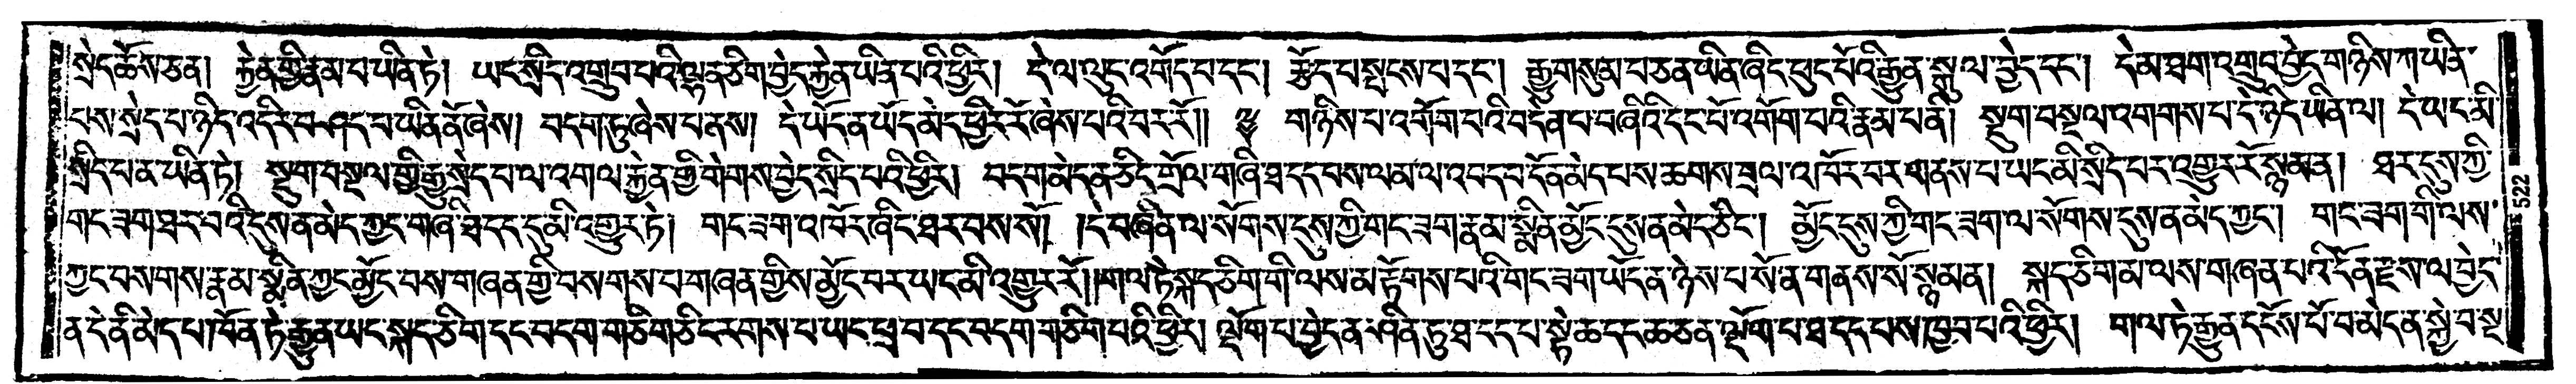སྲེད་ཆོས་ཅན། རྐྱེན་གྱི་རྣམ་པ་ཡིན་ཏེ། ཡང་སྲིད་འགྲུབ་པའི་ལྷན་ཅིག་བྱེད་རྐྱེན་ཡིན་པའི་ཕྱིར། དེ་ལ་ལུང་འགོད་པ་དང་། རྩོད་པ་སྤངས་པ་དང་། རྒྱུ་གསུམ་པ་ཅན་ཡིན་ཞིང་ཕུང་པོའི་རྒྱུན་སྐུལ་བྱེད་དང་། དེ་མ་ཐག་འགྲུབ་བྱེད་གཉིས་ཀ་ཡིན་
པས་སྲེད་པ་ཉིད་འདིར་བཤད་པ་ཡིན་ནོ་ཞེས། བདག་ཏུ་ཞེས་པ་ནས། དེ་ཡོད་ན་ཡོད་མེད་ཕྱིར་རོ་ཞེས་པའི་བར་རོ།། ༈ གཉིས་པ་འགོག་པའི་བདེན་པ་བཞིའི་དང་པོ་འགོག་པའི་རྣམ་པ་ནི། སྡུག་བསྔལ་འགགས་པ་དེ་ཉིད་ཡིན་ལ། དེ་ཡང་མི་
སྲིད་པ་མ་ཡིན་ཏེ། སྡུག་བསྔལ་གྱི་རྒྱུ་སྲེད་པ་ལ་འགལ་རྐྱེན་གྱི་གེགས་བྱེད་སྲིད་པའི་ཕྱིར། བདག་མེད་ན་ཅིང་གྲོལ་གཞི་ཐ་དད་པས་ལམ་ལ་འབད་པ་དོན་མེད་པས་ཆགས་བྲལ་འཁོར་བར་གནས་པ་ཡང་མི་སྲིད་པར་འགྱུར་རོ་སྙམ་ན། ཐར་དུས་ཀྱི་
གང་ཟག་ཐར་པའི་དུས་ན་མེད་ཀྱང་གཞི་ཐ་དད་དུ་མི་འགྱུར་ཏེ། གང་ཟག་འཁོར་ཞིང་ཐར་པས་སོ། །དེ་བཞིན་ལ་སོགས་དུས་ཀྱི་གང་ཟག་རྣམ་སྨིན་མྱོང་དུས་ན་མེད་ཅིང་། མྱོང་དུས་ཀྱི་གང་ཟག་ལ་སོགས་དུས་ན་མེད་ཀྱང་། གང་ཟག་གི་ལས་
ཀྱང་བསགས་རྣམ་སྨིན་ཀྱང་མྱོང་བས་གཞན་གྱི་བསགས་པ་གཞན་གྱིས་མྱོང་བར་ཡང་མི་འགྱུར་རོ། །གལ་ཏེ་སྐད་ཅིག་གི་ལས་མ་རྟོགས་པའི་གང་ཟག་ཡོད་ན་ཉེས་པ་སོ་ན་གནས་སོ་སྙམ་ན། སྐད་ཅིག་མ་ལས་གཞན་པའི་དོན་རྫས་ལ་བྱེད་
ན་དེ་ནི་མེད་པ་ཁོ་ན་ཏེ་རྒྱུན་ཡང་སྐད་ཅིག་དང་བདག་གཅིག་ཅིང་རགས་པ་ཡང་ཕྲ་བ་དང་བདག་གཅིག་པའི་ཕྱིར། ལྡོག་པ་བྱེད་ན་ཤིན་ཏུ་ཐ་དད་པ་སྟེ་ཆ་དང་ཆ་ཅན་ལྡོག་པ་ཐ་དད་པས་ཁྱབ་པའི་ཕྱིར། གལ་ཏེ་རྒྱུན་དངོས་པོ་བ་མེད་ན་སྐྱེ་བ་སྔ་